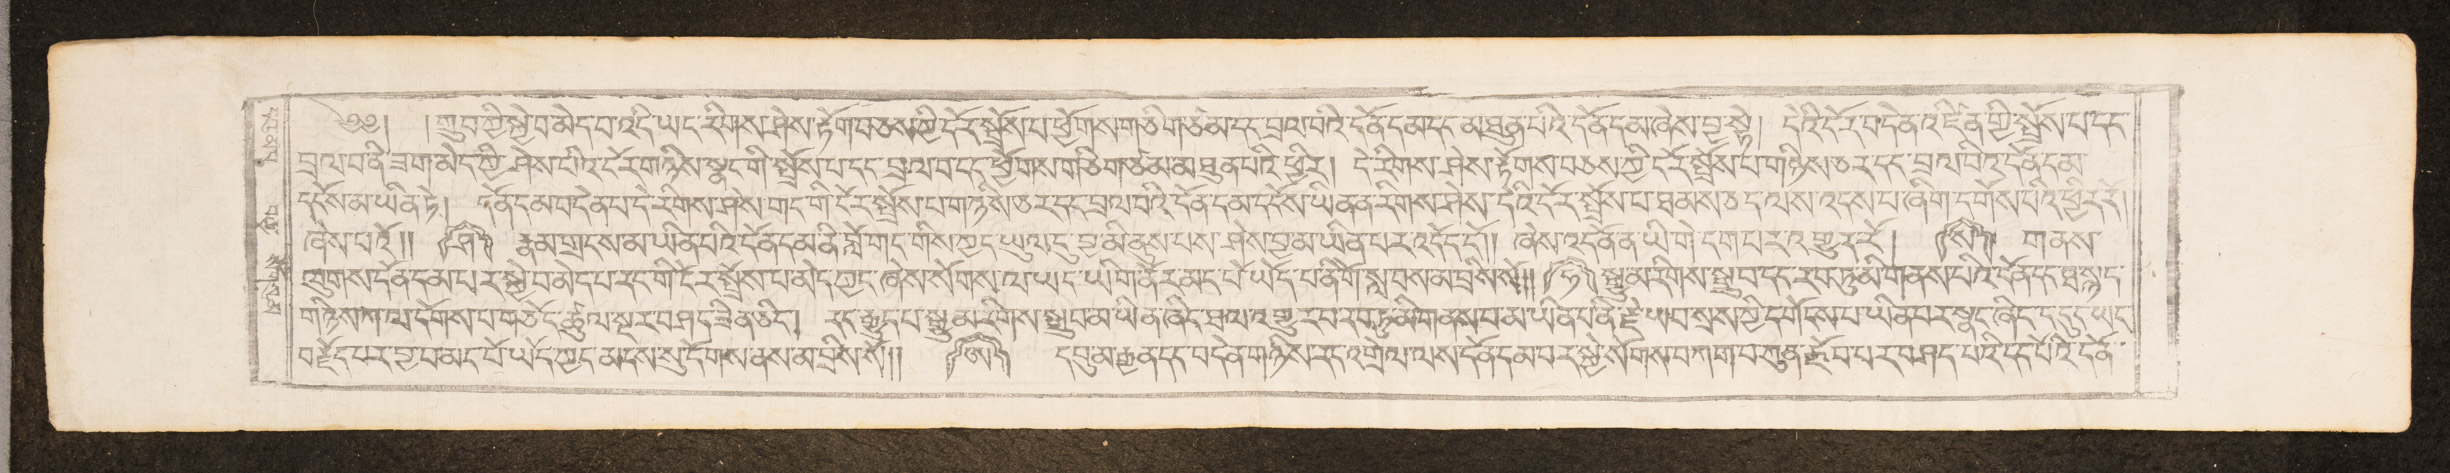༄༅། །གྲུབ་ཀྱི་སྐྱེ་བ་མེད་པ་འདི་ཡང་རིགས་ཤེས་རྟོག་བཅས་ཀྱི་དོར་སྤྲོས་པ་ཕྱོགས་གཅིག་ཙམ་དང་བྲལ་བའི་དོན་དམ་དང་མཐུན་པའི་དོན་དམ་ཞེས་བྱ་སྟེ། དེའི་ངོར་བདེན་འཛིན་གྱི་སྤྲོས་པ་དང་།
བྲལ་བ་ནི་ཟག་མེད་ཀྱི་ཤེས་པའི་ངོར་གཉིས་སྣང་གི་སྤྲོས་པ་དང་བྲལ་བ་དང་ཕྱོགས་གཅིག་ཙམ་མཐུན་པའི་ཕྱིར། དེ་རིགས་ཤེས་རྟོགས་བཅས་ཀྱི་ངོར་སྤྲོས་པ་གཉིས་ཅར་དང་བྲལ་བའི་དོན་དམ་
དངོས་མ་ཡིན་ཏེ། དོན་དམ་བདེན་པ་དེ་རིགས་ཤེས་གང་གི་ངོར་སྤྲོས་པ་གཉིས་ཅར་དང་བྲལ་བའི་དོན་དམ་དངོས་ཡིན་ན་རིགས་ཤེས་དེའི་དོར་སྤྲོས་པ་ཐམས་ཅད་ལས་འདས་པ་ཞིག་དགོས་པའི་ཕྱིར་རོ།
ཞེས་པའོ།། ༼༽ཤ༼༽ རྣམ་གྲངས་མ་ཡིན་པའི་དོན་དམ་ནི་བློ་གང་གིས་ཀྱང་ཡུལ་དུ་བྱ་མི་ནུས་པས་ཤེས་བྱ་མ་ཡིན་པར་འདོད་དོ།། ཞེས་འདོན་ན་ཡི་གེ་དག་པར་འགྱུར་རོ། ༼༽ས༼༽ གནས་
ལུགས་དོན་དམ་པར་སྐྱེ་བ་མེད་པ་རང་གི་ངོར་སྤྲོས་པ་མེད་ཀྱང་ཞེས་སོགས་ལ་ཡང་ཡིག་ནོར་མང་པོ་ཡོད་པ་ནི་གོ་སླ་བས་མ་བྲིས་སོ།། ༼༽ཧ༼༽ སྒྱུ་མ་རིགས་སྒྲུབ་དང་རབ་ཏུ་མི་གནས་པའི་དོན་དང་ཐ་སྙད་
གཉིས་ཀ་ལ་དོགས་པ་གཅོད་ཚུལ་སྔར་བཤད་ཟིན་ཅིང་། རང་རྒྱུད་པ་སྒྱུ་མ་རིགས་སྒྲུབ་མ་ཡིན་ཞིང་ཐལ་འགྱུར་བ་རབ་ཏུ་མིག་ནས་པ་མ་ཡིན་པ་ནི་རྗེ་ཡབ་སྲས་ཀྱི་དགོངས་པ་ཡིན་པར་སྣང་ཞིང་ད་དུང་ཡང་
བརྗོད་པར་བྱ་བ་མང་པོ་ཡོད་ཀྱང་མདངས་སུ་དོགས་ནས་མ་བྲིས་སོ།། ༼༽ཨ༼༽ དབུ་མ་རྒྱན་དང་བདེན་གཉིས་རང་འགྲེལ་ལས་དོན་དམ་པར་སྐྱེ་སོགས་བཀག་པ་ཀུན་རྫོབ་པར་བཤད་པའི་དད་པོའི་དོན་